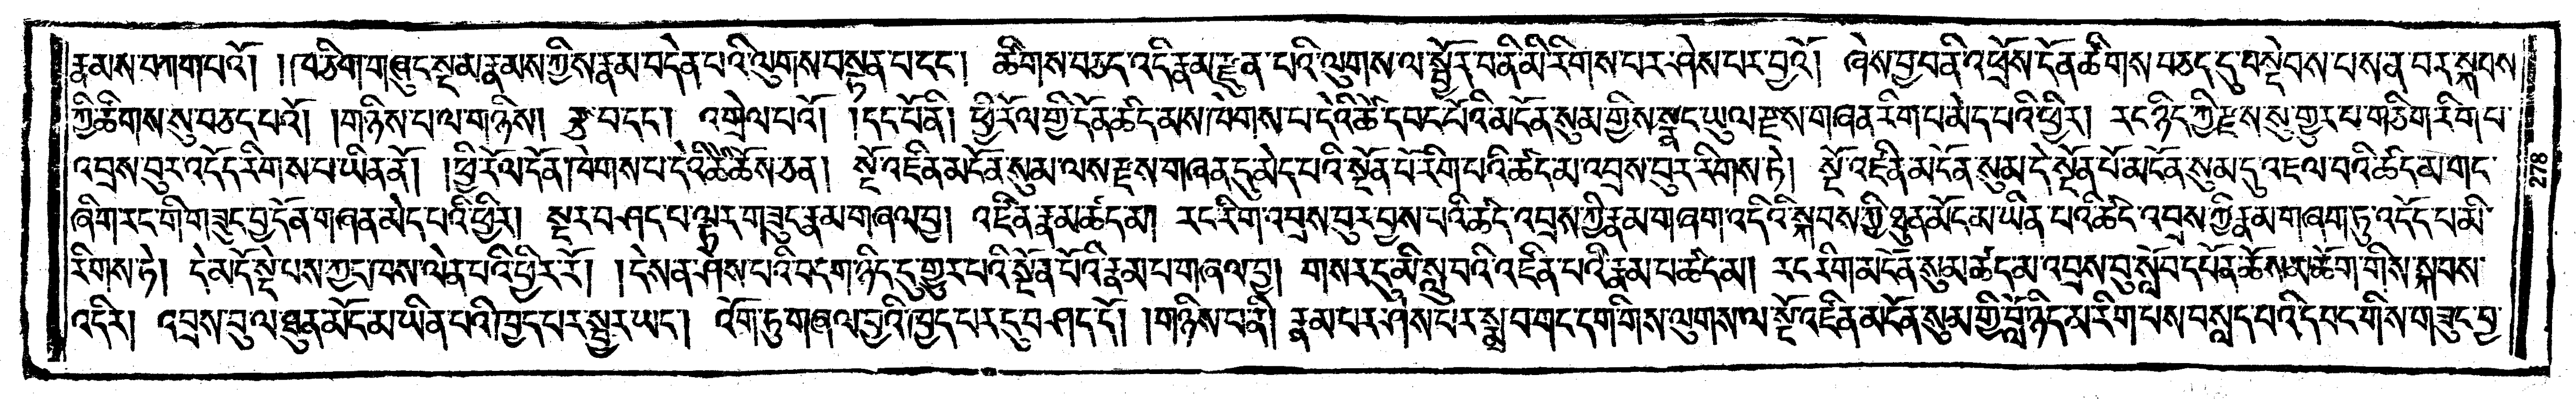རྣམས་བཀག་པའོ། །ཁ་ཅིག་གཞུང་སྔ་མ་རྣམས་ཀྱིས་རྣམ་བདེན་པའི་ལུགས་བསྟན་པ་དང་། ཚིགས་བཅད་འདི་རྣམ་རྫུན་པའི་ལུགས་ལ་སྦྱོར་བ་ནི་མི་རིགས་པར་ཤེས་པར་བྱའོ། ཞེས་བྱ་བ་ནི་འཕྲོས་དོན་ཚིགས་བཅད་དུ་བསྡེབས་པས་ན་བར་སྐབས་
ཀྱི་ཚིགས་སུ་བཅད་པའོ། །གཉིས་པ་ལ་གཉིས། རྩ་བ་དང་། འགྲེལ་པའོ། །དང་པོ་ནི། ཕྱི་རོལ་གྱི་དོན་ཚད་མས་ཁེགས་པ་དེའི་ཚེ་དབང་པོའི་མངོན་སུམ་གྱིས་སྣང་ཡུལ་རྫས་གཞན་རིག་པ་མེད་པའི་ཕྱིར། རང་ཉིད་ཀྱི་རྫས་སུ་གྱུར་པ་གཅིག་རིག་པ་
འབྲས་བུར་འདོད་རིགས་པ་ཡིན་ནོ། །ཕྱི་རོལ་དོན་ཁེགས་པ་དེའི་ཚེ་ཆོས་ཅན། སྔོ་འཛིན་མངོན་སུམ་ལས་རྫས་གཞན་དུ་མེད་པའི་སྔོན་པོ་རིག་པའི་ཚད་མ་འབྲས་བུར་རིགས་ཏེ། སྔོ་འཛིན་མངོན་སུམ་དེ་སྔོན་པོ་མངོན་སུམ་དུ་འཇལ་བའི་ཚད་མ་གང་
ཞིག་རང་གི་གཟུང་བྱ་དོན་གཞན་མེད་པའི་ཕྱིར། སྔར་བཤད་པ་ལྟར་གཟུང་རྣམ་གཞལ་བྱ། འཛིན་རྣམ་ཚད་མ། རང་རིག་འབྲས་བུར་བྱས་པའི་ཚད་འབྲས་ཀྱི་རྣམ་གཞག་འདིའི་སྐབས་ཀྱི་ཐུན་མོང་མ་ཡིན་པའི་ཚང་འབྲས་ཀྱི་རྣམ་གཞག་ཏུ་འདོད་པ་མི་
རིགས་ཏེ། དེ་མདོ་སྡེ་པས་ཀྱང་ཁས་ལེན་པའི་ཕྱིར་རོ། །དེས་ན་ཤེས་པའི་བདག་ཉིད་དུ་གྱུར་པའི་སྔོན་པོའི་རྣམ་པ་གཞལ་བྱ། གསར་དུ་མི་སླུ་བའི་འཛིན་པའི་རྣམ་པ་ཚད་མ། རང་རིག་མངོན་སུམ་ཚད་མ་འབྲས་བུ་སློབ་དཔོན་ཆོས་མཆོག་གིས་སྐབས་
འདིར། འབྲས་བུ་ལ་ཐུན་མོང་མ་ཡིན་པའི་ཁྱད་པར་སྦྱར་ཡང་། འོག་ཏུ་གཞལ་བྱའི་ཁྱད་པར་དུ་བཤད་དོ། །གཉིས་པ་ནི། རྣམ་པར་ཤེས་པར་སྨྲ་བ་གང་དག་གིས་ལུགས་ལ་སྔོ་འཛིན་མངོན་སུམ་གྱི་བློ་ཉིད་མ་རིག་པས་བསླད་པའི་དབང་གིས་གཟུང་བྱ་